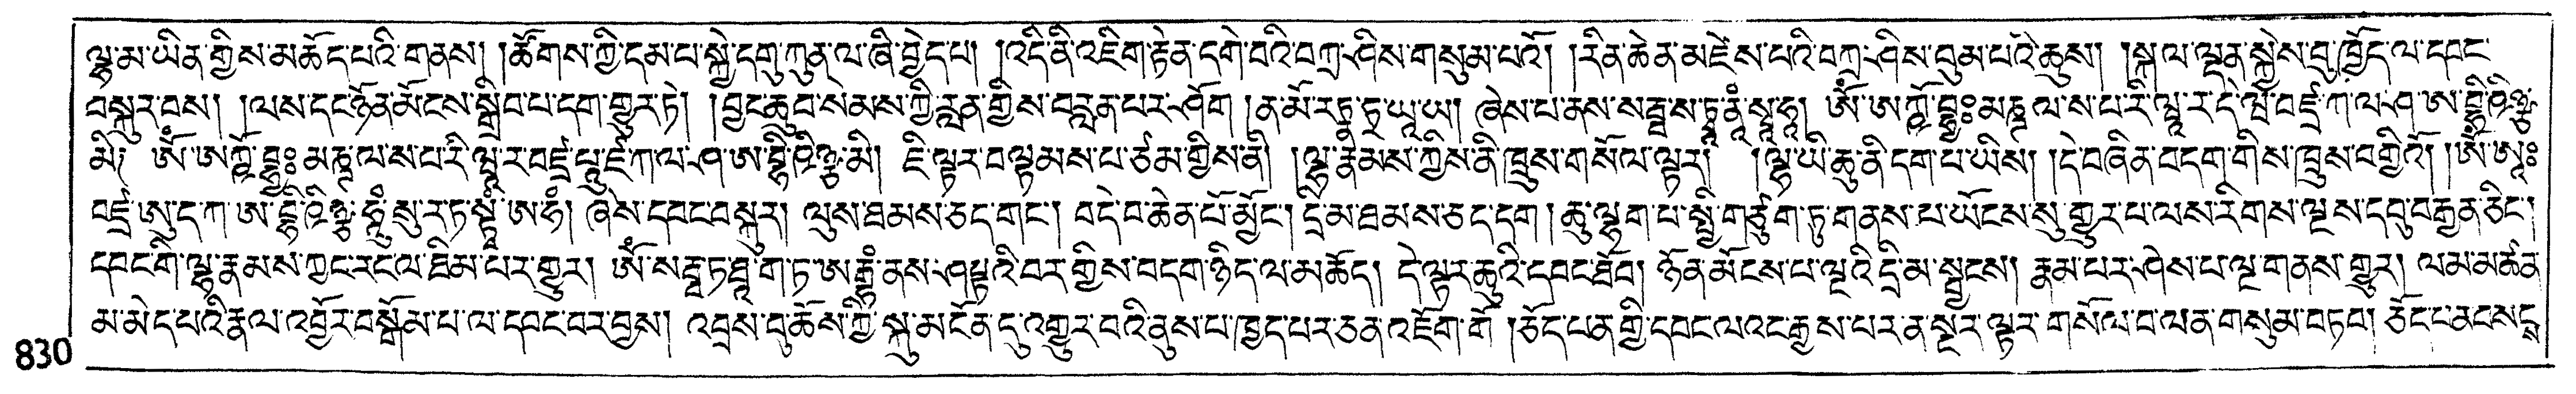ལྷ་མ་ཡིན་གྱིས་མཆོད་པའི་གནས། །ཚོགས་ཀྱི་དམ་པ་སྐྱེ་དགུ་ཀུན་ལ་ཞི་བྱེད་པ། །འདི་ནི་འཇིག་རྟེན་དགེ་བའི་བཀྲ་ཤིས་གསུམ་པའོ། །རིན་ཆེན་མཛེས་པའི་བཀྲ་ཤིས་བུམ་པའི་ཆུས། །སྐལ་ལྡན་སྐྱེས་བུ་ཁྱོད་ལ་དབང་
བསྐུར་བས། །ལས་དང་ཉོན་མོངས་སྒྲིབ་པ་དག་གྱུར་ཏེ། །བྱང་ཆུབ་སེམས་ཀྱི་རླན་གྱིས་བརླན་པར་ཤོག །ན་མོ་རཏྣ་ཏྲ་ཡཱ་ཡ། ཞེས་པ་ནས་སརྦྦ་ས་ཏྭཱ་ནཱཾ་སྭཱ་ཧཱ། ཨོཾ་ཨཀྵོ་བྷྱཿ མཎྜལ་ས་པ་རི་ཝཱ་ར་དེ་ཝ་བཛྲ་ཀ་ལ་ཤ་ཨ་བྷི་ཥིཉྩ་
མི༑ ཨོཾ་ཨཀྵོ་བྷྱཿ མཎྜལ་ས་པ་རི་ཝཱ་ར་བཛྲ་པཱུ་ཛ་ཀ་ལ་ཤ་ཨ་བྷི་ཥིཉྩ་མི། ཇི་ལྟར་བལྟམས་པ་ཙམ་གྱིས་ནི། །ལྷ་རྣམས་ཀྱིས་ནི་ཁྲུས་གསོལ་ལྟར། །ལྷ་ཡི་ཆུ་ནི་དག་པ་ཡིས། །དེ་བཞིན་བདག་གིས་ཁྲུས་བགྱིའོ། །ཨོཾ་ཨཱཿ
བཛྲ་ཨུ་ད་ཀ་ཨ་བྷི་ཥིཉྩ་ཧཱུཾ་སུ་ར་ཏ་སྟྭཾ་ཨ་ཧཾ། ཞེས་དབང་བསྐུར། ལུས་ཐམས་ཅད་གང་། བདེ་བ་ཆེན་པོ་མྱོང་། དྲི་མ་ཐམས་ཅད་དག །ཆུ་ལྷག་པ་སྤྱི་གཙུག་ཏུ་གནས་པ་ཡོངས་སུ་གྱུར་པ་ལས་རིགས་ལྔས་དབུ་བརྒྱན་ཅིང་།
དབང་གི་ལྷ་རྣམས་ཀྱང་རང་ལ་ཐིམ་པར་གྱུར། ཨོཾ་སརྦྦ་ཏ་ཐཱ་ག་ཏ་ཨརྒྷཾ་ནས་ཤཔྟའི་བར་གྱིས་བདག་ཉིད་ལ་མཆོད། དེ་ལྟར་ཆུའི་དབང་ཐོབ། ཉོན་མོངས་པ་ལྔའི་དྲི་མ་སྦྱངས། རྣམ་པར་ཤེས་པ་ལྔ་གནས་གྱུར། ལམ་མཚན་
མ་མེད་པའི་རྣལ་འབྱོར་བསྒོམ་པ་ལ་དབང་བར་བྱས། འབྲས་བུ་ཆོས་ཀྱི་སྐུ་མངོན་དུ་འགྱུར་བའི་ནུས་པ་ཁྱད་པར་ཅན་འཇོག་གོ །ཅོད་པན་གྱི་དབང་ལའང་རྒྱས་པར་ན་སྔར་ལྟར་གསོལ་བ་ལན་གསུམ་བཏབ། ཅོད་པན་བསངས་